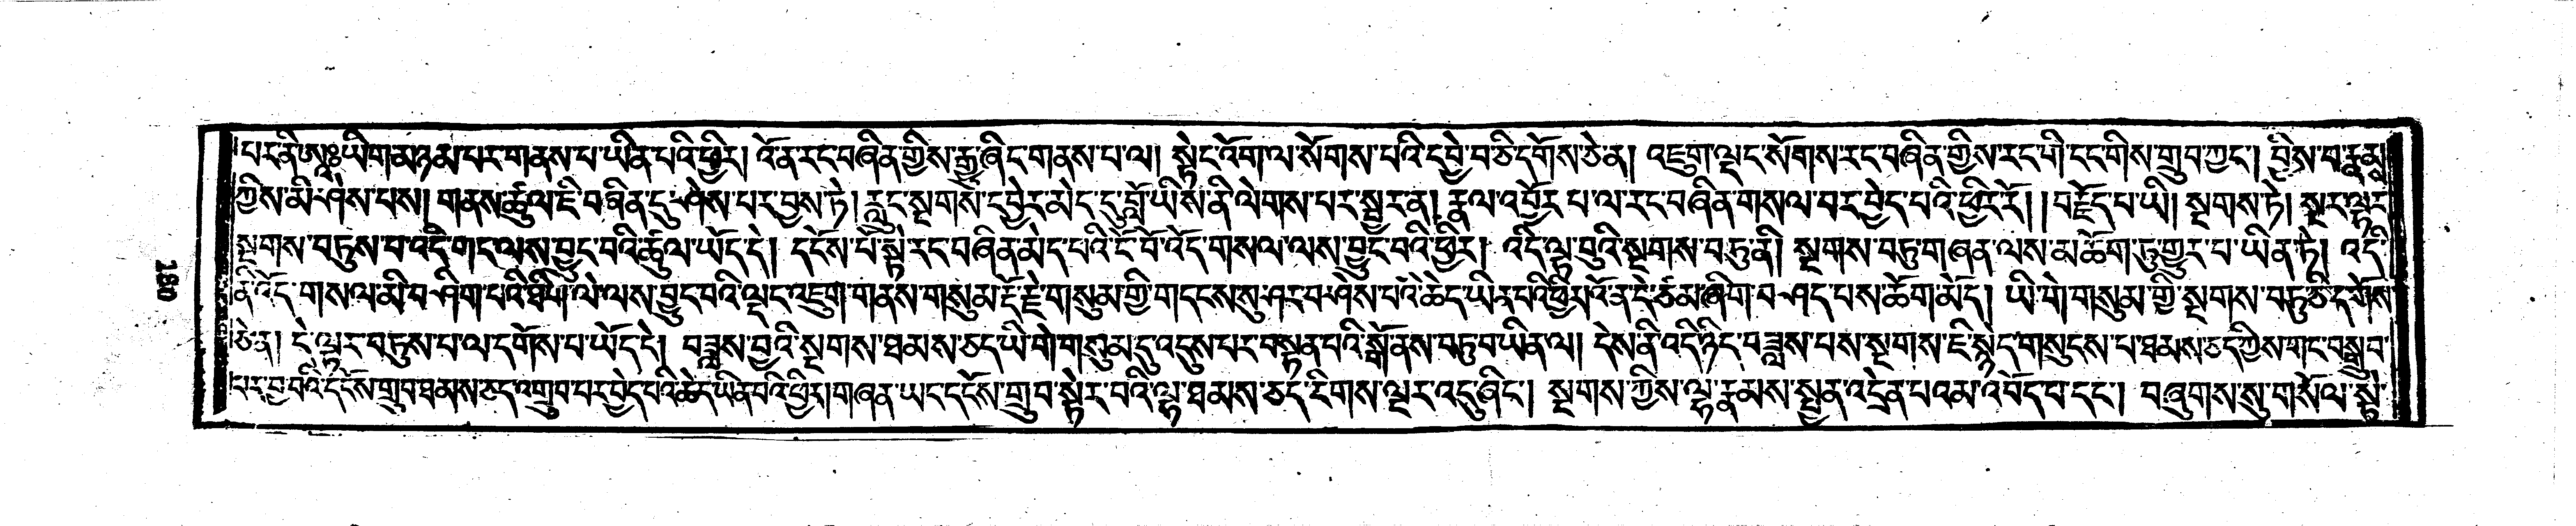པར་ནི་ཨཿ ཡིག་མཉམ་པར་གནས་པ་ཡིན་པའི་ཕྱིར། འོ་ན་རང་བཞིན་གྱིས་རྒྱུ་ཞིང་གནས་པ་ལ། སྟེང་འོག་ལ་སོགས་པའི་དབྱེ་བ་ཅི་དགོས་ཅེ་ན། འཇུག་ལྡང་སོགས་རང་བཞིན་གྱིས་རང་གི་ངང་གིས་གྲུབ་ཀྱང་། བྱིས་པ་རྣམས་
ཀྱིས་མི་ཤེས་པས། གནས་ཚུལ་ཇི་བཞིན་དུ་ཤེས་པར་བྱས་ཏེ། རླུང་སྔགས་དབྱེར་མེད་དུ་བློ་ཡིས་ནི་ལེགས་པར་སྦྱར་ན། རྣལ་འབྱོར་པ་ལ་རང་བཞིན་གསལ་བར་བྱེད་པའི་ཕྱིར་རོ། །བརྗོད་པ་ཡི། སྔགས་ཏེ། སྔར་ལྟར་
སྔགས་བཏུས་པ་འདི་གང་ལས་བྱུང་བའི་ཚུལ་ཡོད་དེ། དངོས་པོ་སྟེ་རང་བཞིན་མེད་པའི་ངོ་བོ་འོད་གསལ་ལས་བྱུང་བའི་ཕྱིར། འདི་ལྟ་བུའི་སྔགས་བཏུ་ནི། སྔགས་བཏུ་གཞན་ལས་མཆོག་ཏུ་གྱུར་བ་ཡིན་ཏེ། འདི་
ནི་འོད་གསལ་མི་བཤིག་པའི་ཐིག་ལེ་ལས་བྱུང་བའི་ལྡང་འཇུག་གནས་གསུམ་རྡོ་རྗེ་གསུམ་གྱི་གདངས་སུ་ཤར་བ་ཤེས་པའི་ཆེད་ཡིན་པའི་ཕྱིར། འོ་ན་དེ་ཙམ་ཞིག་བཤད་པས་ཆོག་མོད། ཡི་གེ་གསུམ་གྱི་སྔགས་བཏུ་ཅི་དགོས་
ཅེ་ན། དེ་ལྟར་བཏུས་པ་ལ་དགོས་པ་ཡོད་དེ། བཟླས་བྱའི་སྔགས་ཐམས་ཅད་ཡི་གེ་གསུམ་དུ་འདུས་པར་བསྟན་པའི་སྒོ་ནས་བཏུ་བ་ཡིན་ལ། །དེས་ནི་འདི་ཉིད་བཟླས་པས་སྔགས་ཇི་སྙེད་གསུངས་པ་ཐམས་ཅད་ཀྱིས་གང་བསྒྲུབ་
པར་བྱ་བའི་དངོས་གྲུབ་ཐམས་ཅད་འགྲུབ་པར་བྱེད་པའི་ཆེད་ཡིན་པའི་ཕྱིར། གཞན་ཡང་དངོས་གྲུབ་སྟེར་པའི་ལྷ་ཐམས་ཅད་རིགས་ལྔར་འདུ་ཞིང་། སྔགས་ཀྱིས་ལྷ་རྣམས་སྤྱན་འདྲེན་པའམ་འབོད་པ་དང་། བཞུགས་སུ་གསོལ་སྟེ་